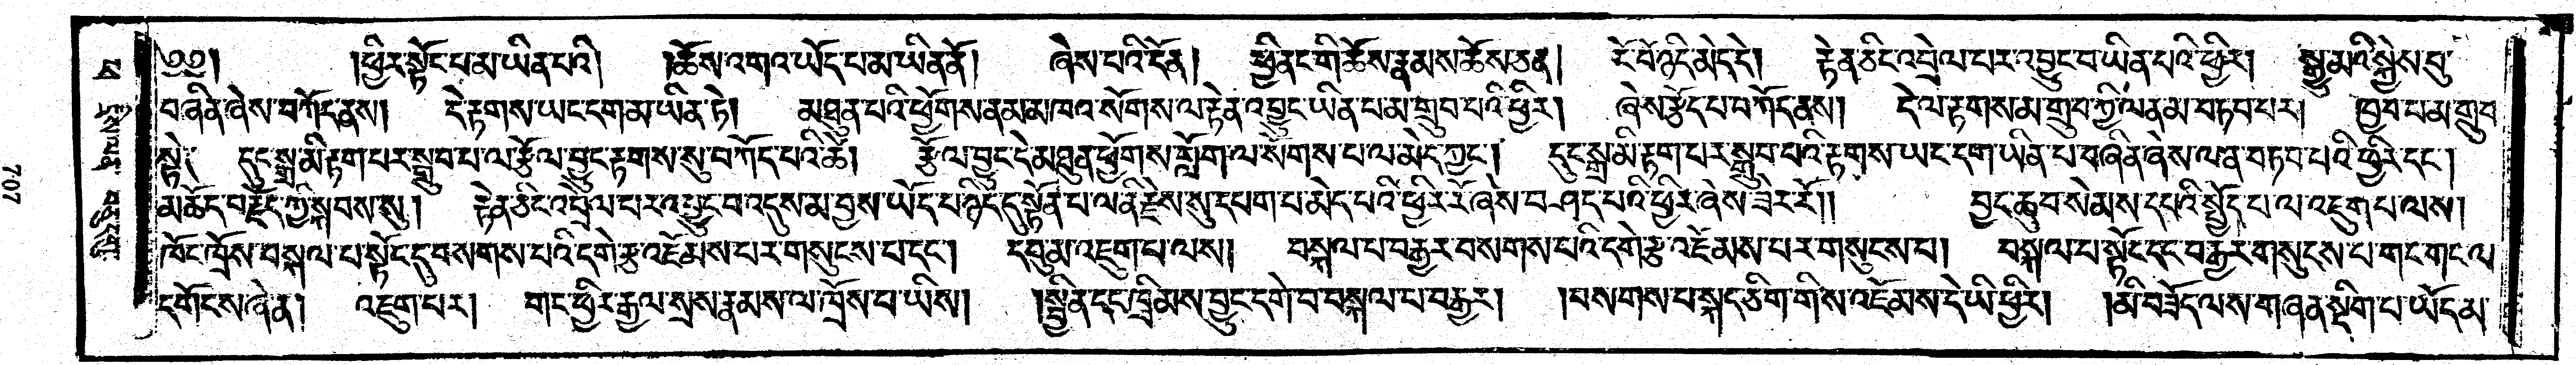༄༅། །ཕྱིར་སྟོང་པ་མ་ཡིན་པའི། །ཆོས་འགའ་ཡོད་པ་མ་ཡིན་ནོ། ཞེས་པའི་དོན། ཕྱི་ནང་གི་ཆོས་རྣམས་ཆོས་ཅན། ངོ་བོ་ཉིད་མེད་དེ། རྟེན་ཅིང་འབྲེལ་པར་འབྱུང་བ་ཡིན་པའི་ཕྱིར། སྒྱུ་མའི་སྐྱེས་བུ་
བཞིན་ཞེས་བཀོད་ནས། དེ་རྟགས་ཡང་དག་མ་ཡིན་ཏེ། མཐུན་པའི་ཕྱོགས་ནམ་མཁའ་སོགས་ལ་རྟེན་འབྱུང་ཡིན་པ་མ་གྲུབ་པའི་ཕྱིར། ཞེས་རྩོད་པ་བཀོད་ནས། དེ་ལ་རྟགས་མ་གྲུབ་ཀྱི་ལན་མ་བཏབ་པར། ཁྱབ་པ་མ་གྲུབ་
སྟེ༑ དུང་སྒྲ་མི་རྟག་པར་སྒྲུབ་པ་ལ་རྩོལ་བྱུང་རྟགས་སུ་བཀོད་པའི་ཚེ། རྩོལ་བྱུང་དེ་མཐུན་ཕྱོགས་གློག་ལ་སོགས་པ་ལ་མེད་ཀྱང་། དུང་སྒྲ་མི་རྟག་པར་སྒྲུབ་པའི་རྟགས་ཡང་དག་ཡིན་པ་བཞིན་ཞེས་ལན་བཏབ་པའི་ཕྱིར་དང་།
མཆོད་བརྗོད་ཀྱི་སྐབས་སུ། རྟེན་ཅིང་འབྲེལ་པར་འབྱུང་བ་འདུས་མ་བྱས་ཡོད་པ་ཉིད་དུ་སྟོན་པ་ལ་ནི་རྗེས་སུ་དཔག་པ་མེད་པའི་ཕྱིར་རོ་ཞེས་བཤད་པའི་ཕྱིར་ཞེས་ཟེར་རོ།། བྱང་ཆུབ་སེམས་དཔའི་སྤྱོད་པ་ལ་འཇུག་པ་ལས།
ཁོང་ཁྲོས་བསྐལ་པ་སྟོང་དུ་བསགས་པའི་དགེ་རྩ་འཇོམས་པར་གསུངས་པ་དང་། དབུ་མ་འཇུག་པ་ལས། བསྐལ་པ་བརྒྱར་བསགས་པའི་དགེ་རྩ་འཇོམས་པར་གསུངས་པ། བསྐལ་པ་སྟོང་དང་བརྒྱར་གསུངས་པ་གང་གང་ལ་
དགོངས་ཞེ་ན། འཇུག་པར། གང་ཕྱིར་རྒྱལ་སྲས་རྣམས་ལ་ཁྲོས་པ་ཡིས། །སྦྱིན་དང་ཁྲིམས་བྱུང་དགེ་བ་བསྐལ་པ་བརྒྱར། །བསགས་པ་སྐད་ཅིག་གིས་འཇོམས་དེ་ཡི་ཕྱིར། །མི་བཟོད་ལས་གཞན་སྡིག་པ་ཡོད་མ་